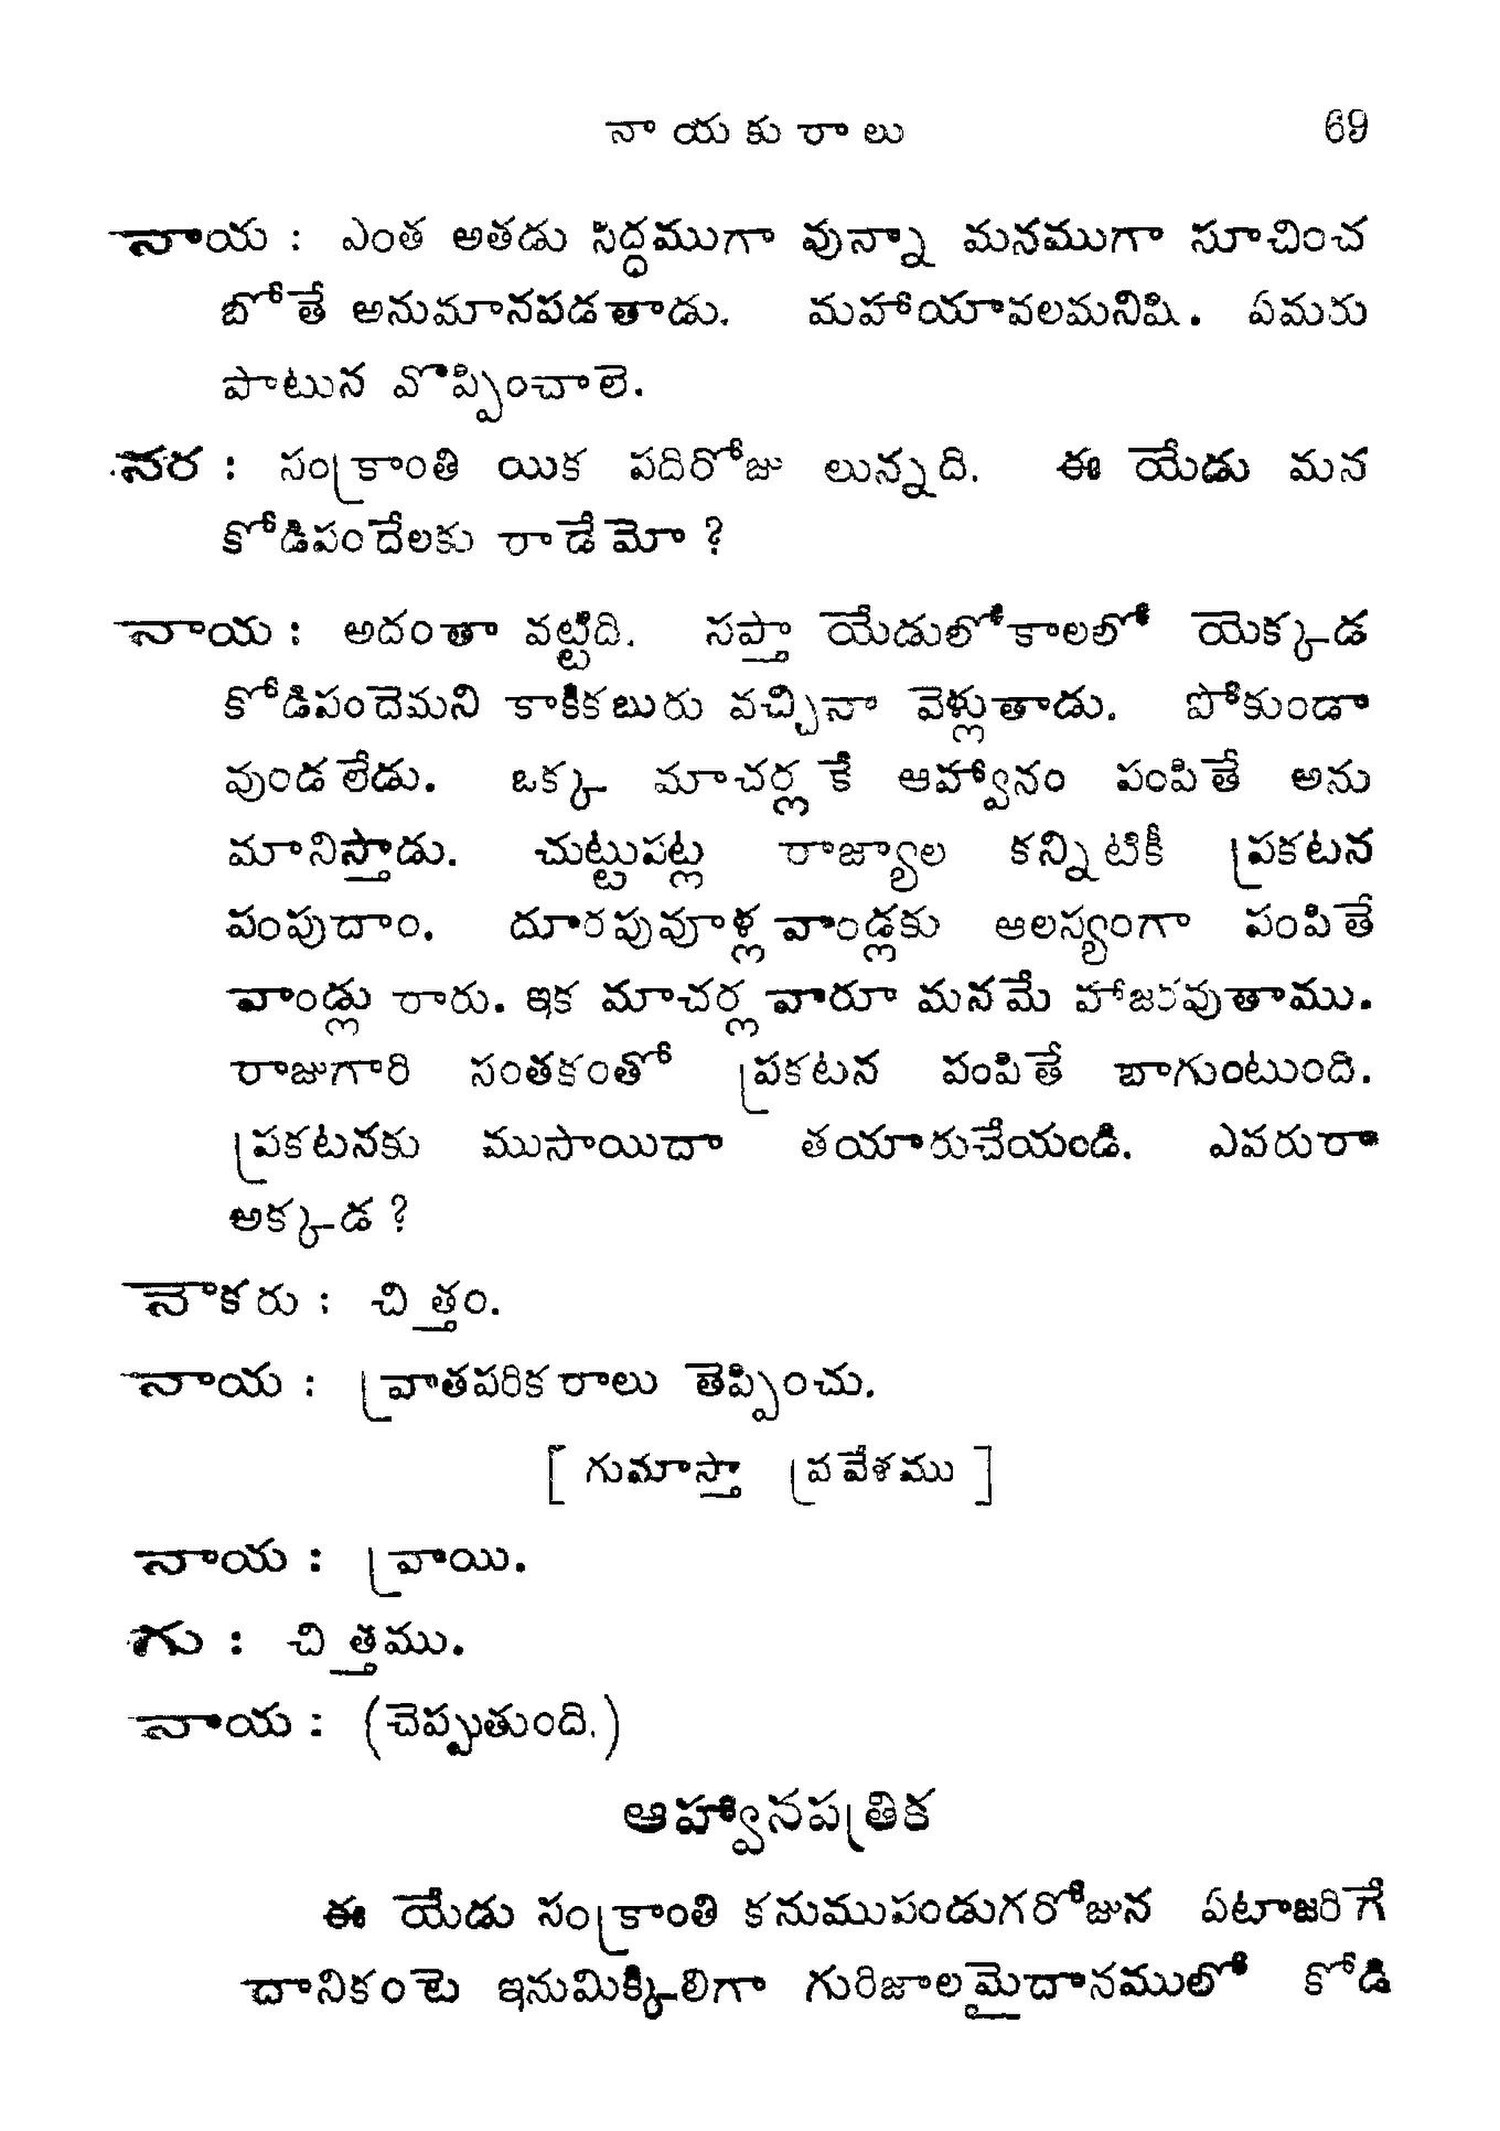నాయ : ఎంత అతడు సిద్ధముగా వున్నా మనముగా సూచించబోతే అనుమానపడతాడు. మహాయావలమనిషి. ఏమరుపాటున వొప్పించాలె.

నర : సంక్రాంతి యిక పదిరోజు లున్నది. ఈ యేడు మన కోడిపందేలకు రాడేమో?

నాయ : అదంతా వట్టిది. సప్తా యేడులోకాలలో యెక్కడ కోడిపందెమని కాకికబురు వచ్చినా వెళ్లుతాడు. పోకుండా వుండలేడు. ఒక్క మాచర్లకే ఆహ్వానం పంపితే అనుమానిస్తాడు. చుట్టుపట్ల రాజ్యాల కన్నిటికీ ప్రకటన పంపుదాం. దూరపువూళ్ల వాండ్లకు ఆలస్యంగా పంపితే వాండ్లు రారు. ఇక మాచర్లవారూ మనమే హాజరవుతాము. రాజుగారి సంతకంతో ప్రకటన పంపితే బాగుంటుంది.
ప్రకటనకు ముసాయిదా తయారుచేయండి. ఎవరురా అక్కడ?

నౌకరు : చిత్తం.

నాయ : వ్రాతపరికరాలు తెప్పించు.

నాయ : వ్రాయి.

గు : చిత్తము.

నాయ : (చెప్పుతుంది.)

ఈ యేడు సంక్రాంతి కనుముపండుగరోజున ఏటాజరిగే దానికంటె ఇనుమిక్కిలిగా గురిజాల మైదానములో కోడి